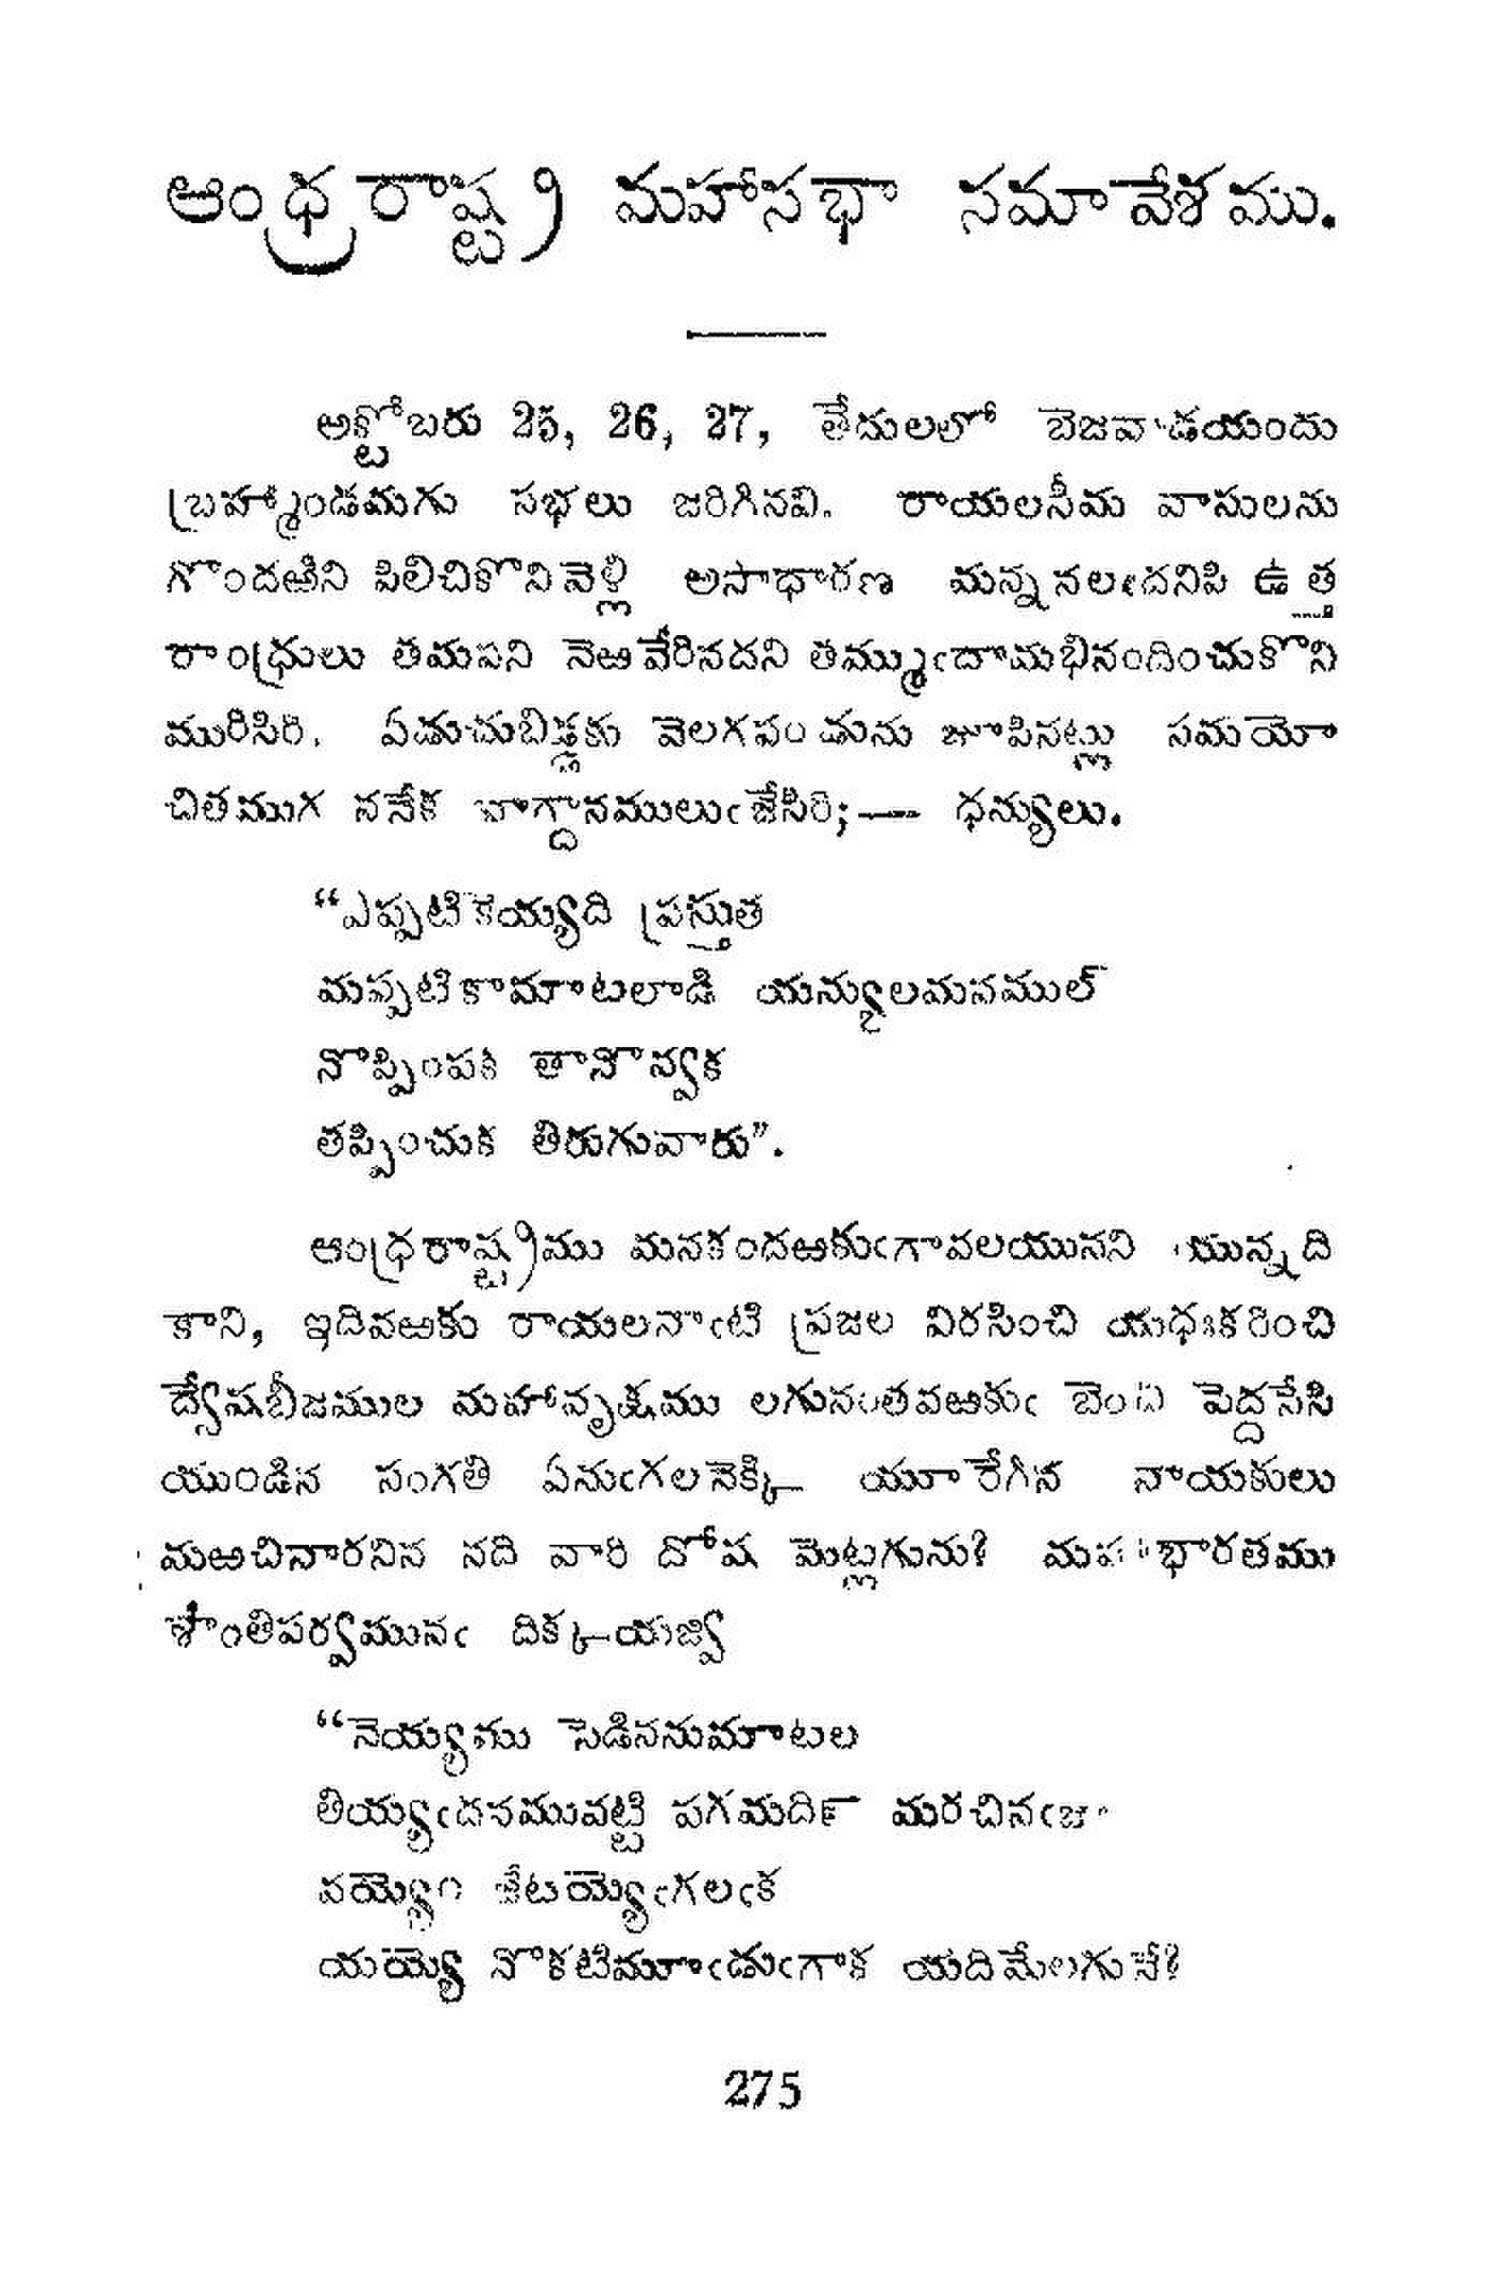అక్టోబరు 25, 26, 27, తేదులలో బెజవాడయందు బ్రహ్మాండమగు సభలు జరిగినవి. రాయలసీమ వాసులను గొందఱిని పిలిచికొనివెళ్లి అసాధారణ మన్ననల దనిపి ఉత్తరాంధ్రులు తమపని నెఱవేరినదని తమ్ముదామభినందించుకొని మురిసిరి. ఏడుచుబిడ్డకు వెలగపండును జూపినట్లు సమయోచితముగ ననేక వాగ్దానములు జేసిరి;- ధన్యులు.

 "ఎప్పటికెయ్యది ప్రస్తుత
 మప్పటికామాటలాడి యన్యులమనముల్
 నొప్పింపక తానొవ్వక
 తప్పించుక తిరుగువారు".

ఆంధ్రరాష్ట్రము మనకందఱకుగావలయునని యున్నది. కాని, ఇదివఱకు రాయలనాటి ప్రజల విరసించి యధ:కరించి ద్వేషబీజముల మహావృక్షము లగునంతవఱకు బెంచి పెద్దసేసి యుండిన సంగతి ఏనుగులనెక్కి యూరేగిన నాయకులు మఱచినారనిన నది వారి దోష మెట్లగును? మహాభారతము శాంతిపర్వమున దిక్కయజ్వ

 "నెయ్యము సెడిననుమాటల
 తియ్యదనమువట్టి పగమదిన్ మరచినజా
 వయ్యెం జేటయ్యె గలక
 యయ్యె నొకటిమూడుగాక యదిమేలగునే?